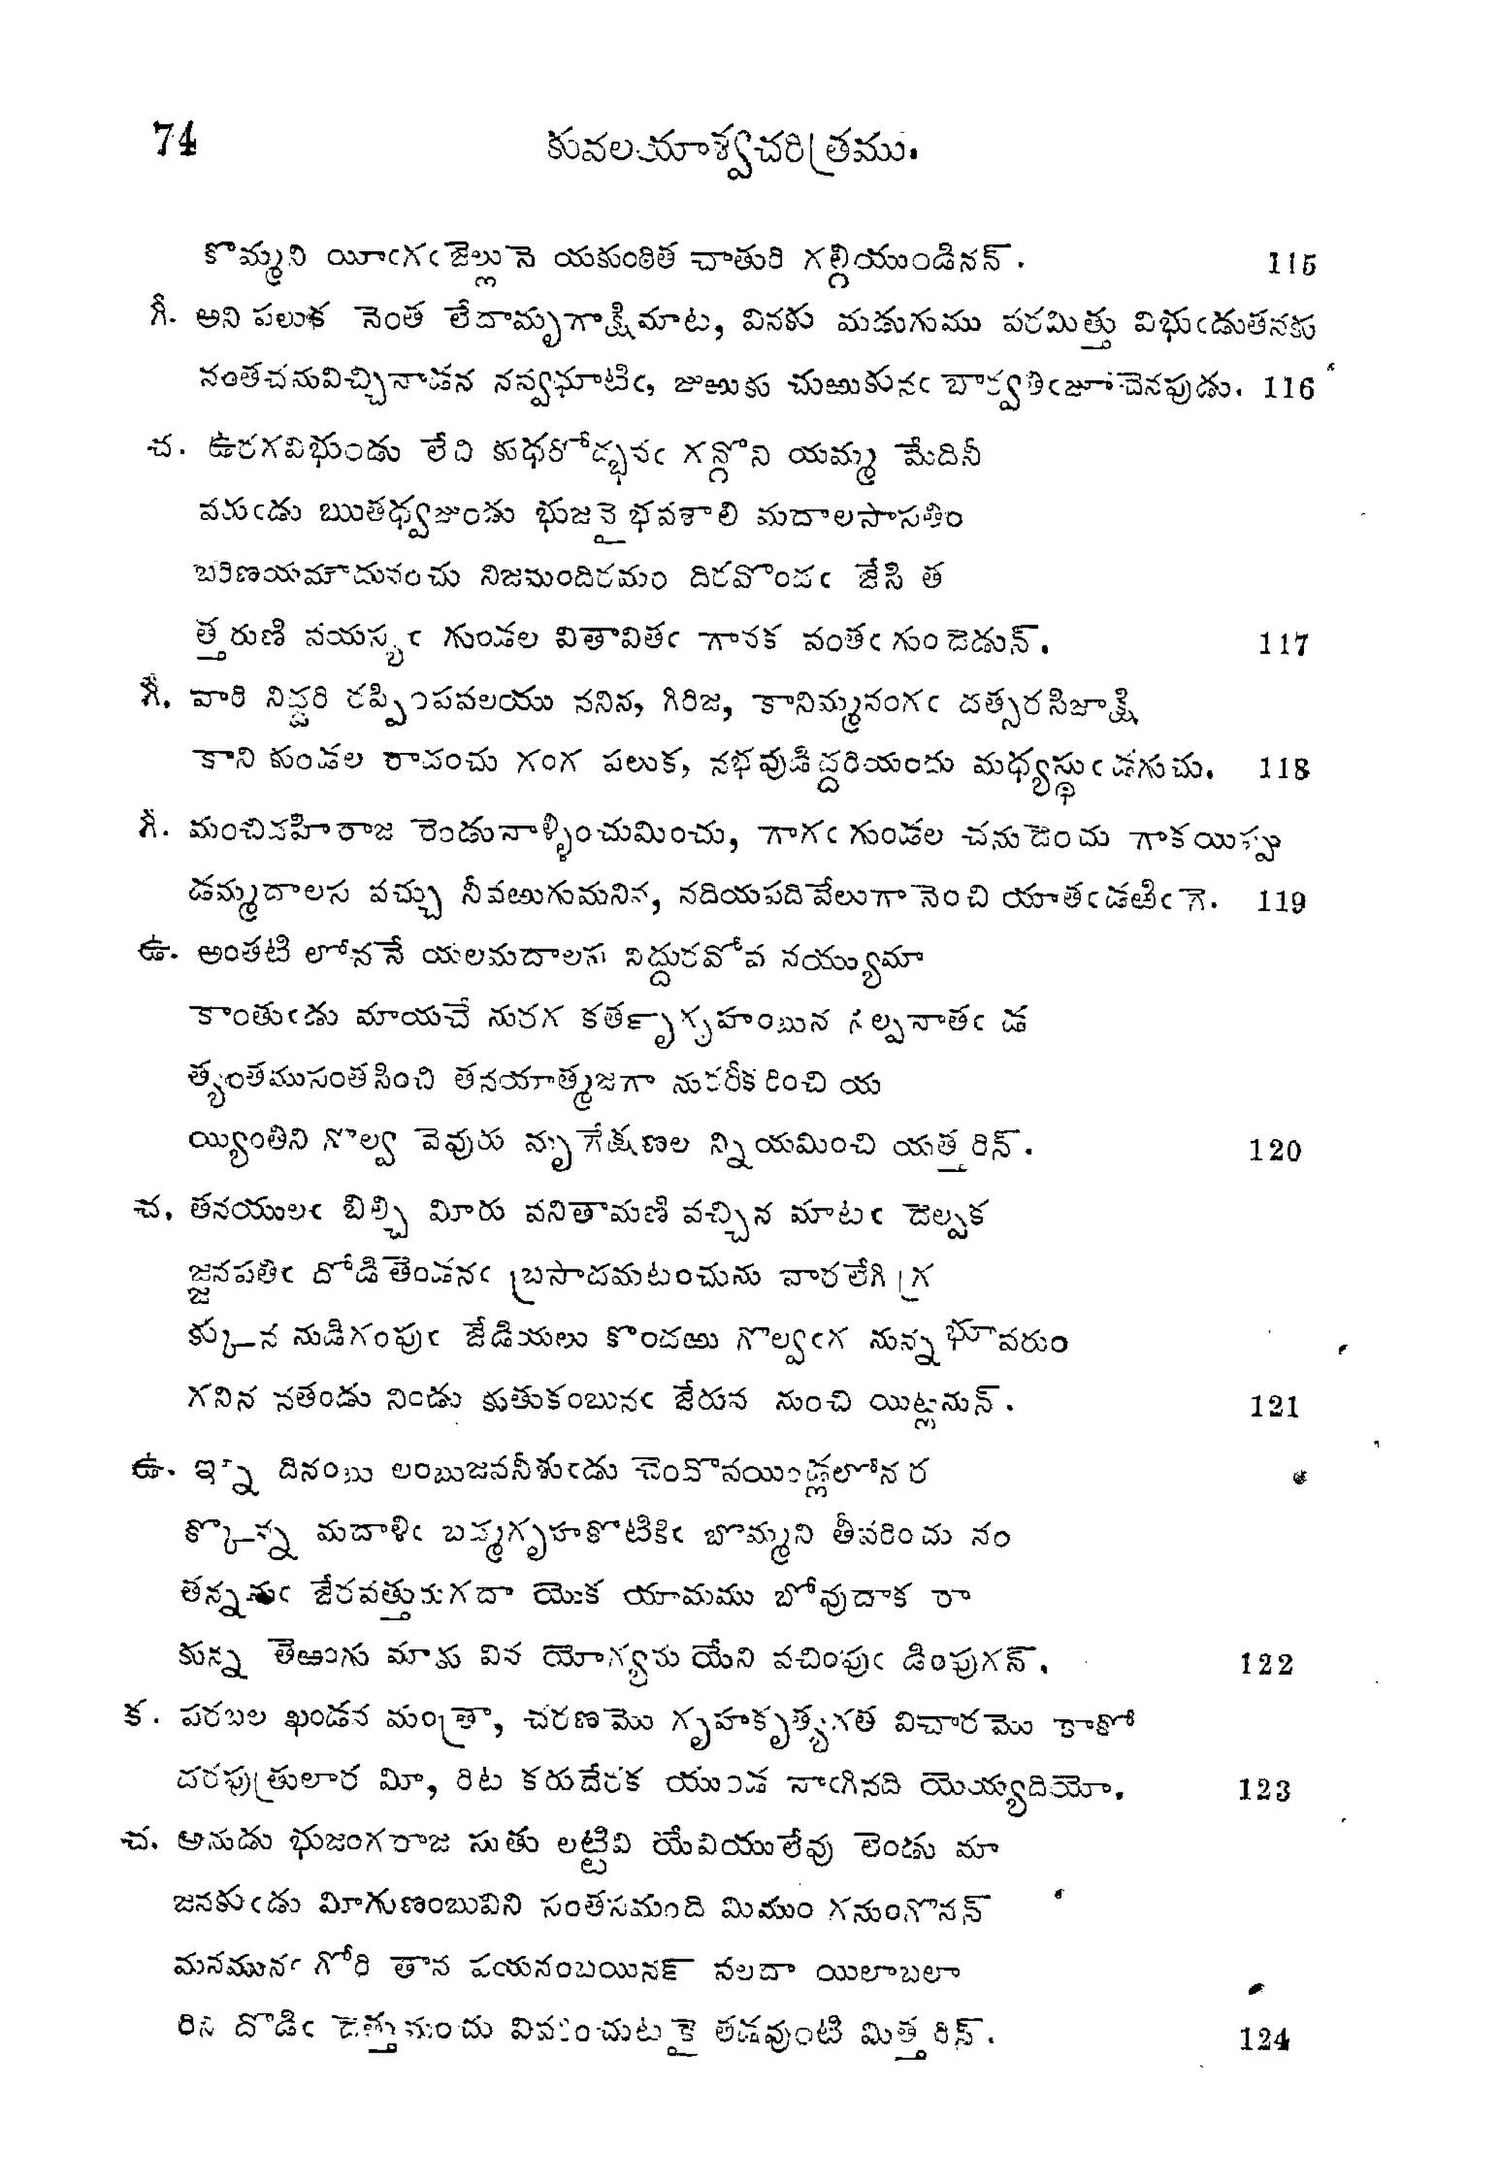కొమ్మని యీఁగఁజెల్లునె యకుంఠితచాతురి గల్గియుండినన్
గీ. అని పలుక నెంత లే దామృగాక్షిమాట, వినకు మడుగుము వర మిత్తు విభుఁడు తనకు
నంతచను విచ్చినాడన నవ్వధూటిఁ, జుఱుకు చుఱుకునఁ బార్వతిఁ జూచె నపుడు.
చ. ఉరగవిభుండు లేచి కుధరోద్భవఁ గన్గొని యమ్మ మేదినీ
వరుఁడు ఋతధ్వజుండు భుజవైభవశాలి మదాలసాసతిం
బరిణయమౌదునంచు నిజమందిరమం దిరవొందఁ జేసి త
త్తరుణి వయస్యఁ గుండల వితావితఁ గానక వంతఁ గుందెడున్.
గీ. వారి నిద్దరి రప్పింపవలయు ననిన, గిరిజ కానిమ్మనంగఁ దత్సరసిజాక్షి
కాని కుంతల రాదంచు గంగ పలుక, నభవు డిద్దరియందు మధ్యస్థుఁ డగుచు.
గీ. మంచి దహిరాజ రెండునా ళ్ళించుమించు, గాగఁ గుండల చనుదెంచు గాక యిప్పు
డమ్మదాలస వచ్చు నీ వఱుగుమనిన, నదియ పదివేలుగా నెంచి యాతఁ డఱిఁగె.
ఉ. అంతటిలోననే యలమదాలస నిద్దురవోవ నయ్యుమా
కాంతుఁడు మాయచే నురగ కర్తృగృహంబున నిల్పనాతఁ డ
త్యంతము సంతసించి తనయాత్మజుగా నురరీకరించి య
య్యింతిని గొల్వ వేవురు మృగేక్షణల న్నియమించి యత్తరిన్.
చ. తనయులఁ బిల్చి మీరు వనితామణి వచ్చిన మాటఁ దెల్పక
జ్జనపతిఁ దోడి తెండనఁ బ్రసాదమటంచును వార లేగి గ్ర
క్కున నుడిగంపుఁ జేడియలు కొందఱు గొల్వఁగ నున్న భూవరుం
గనిన నతండు నిండుకుతుకంబునఁ జేరున నుంచి యిట్లనున్.
ఉ. ఇన్నిదినంబు లంబుజననీశుఁడు చెందొవయిండ్లలోన ర
క్కొన్న మదాళి బద్మగృహకోటికిఁ బొమ్మని తీవరించు నం
తన్ననుఁ జేరవత్తురుగదా యెకయామము బోవుదాక రా
కున్న తెఱంగు మాకు వినయోగ్యమ యేని వచింపుఁ డింపుగన్.
క. పరబలఖండనమంత్రా, చరణమొ గృహకృత్యగతవిచారమొ కాకో
దరపుత్రులార మీ, రిట కరుదేరక యుండ నాఁగినది యెయ్యదియో.
చ. అనుడు భుజంగరాజసుతు లట్టివి యేవియు లేవు లెండు మా
జనకుఁడు మీగుణంబు విని సంతసమంది మిముం గనుంగొనన్
మనమునఁ గోరి తాన పయనంబయిన నలదా యిలాబలా
రిని దొడిఁ దెత్తుమంచు వివరించుటకై తడవుంటి మిత్తరిన్.